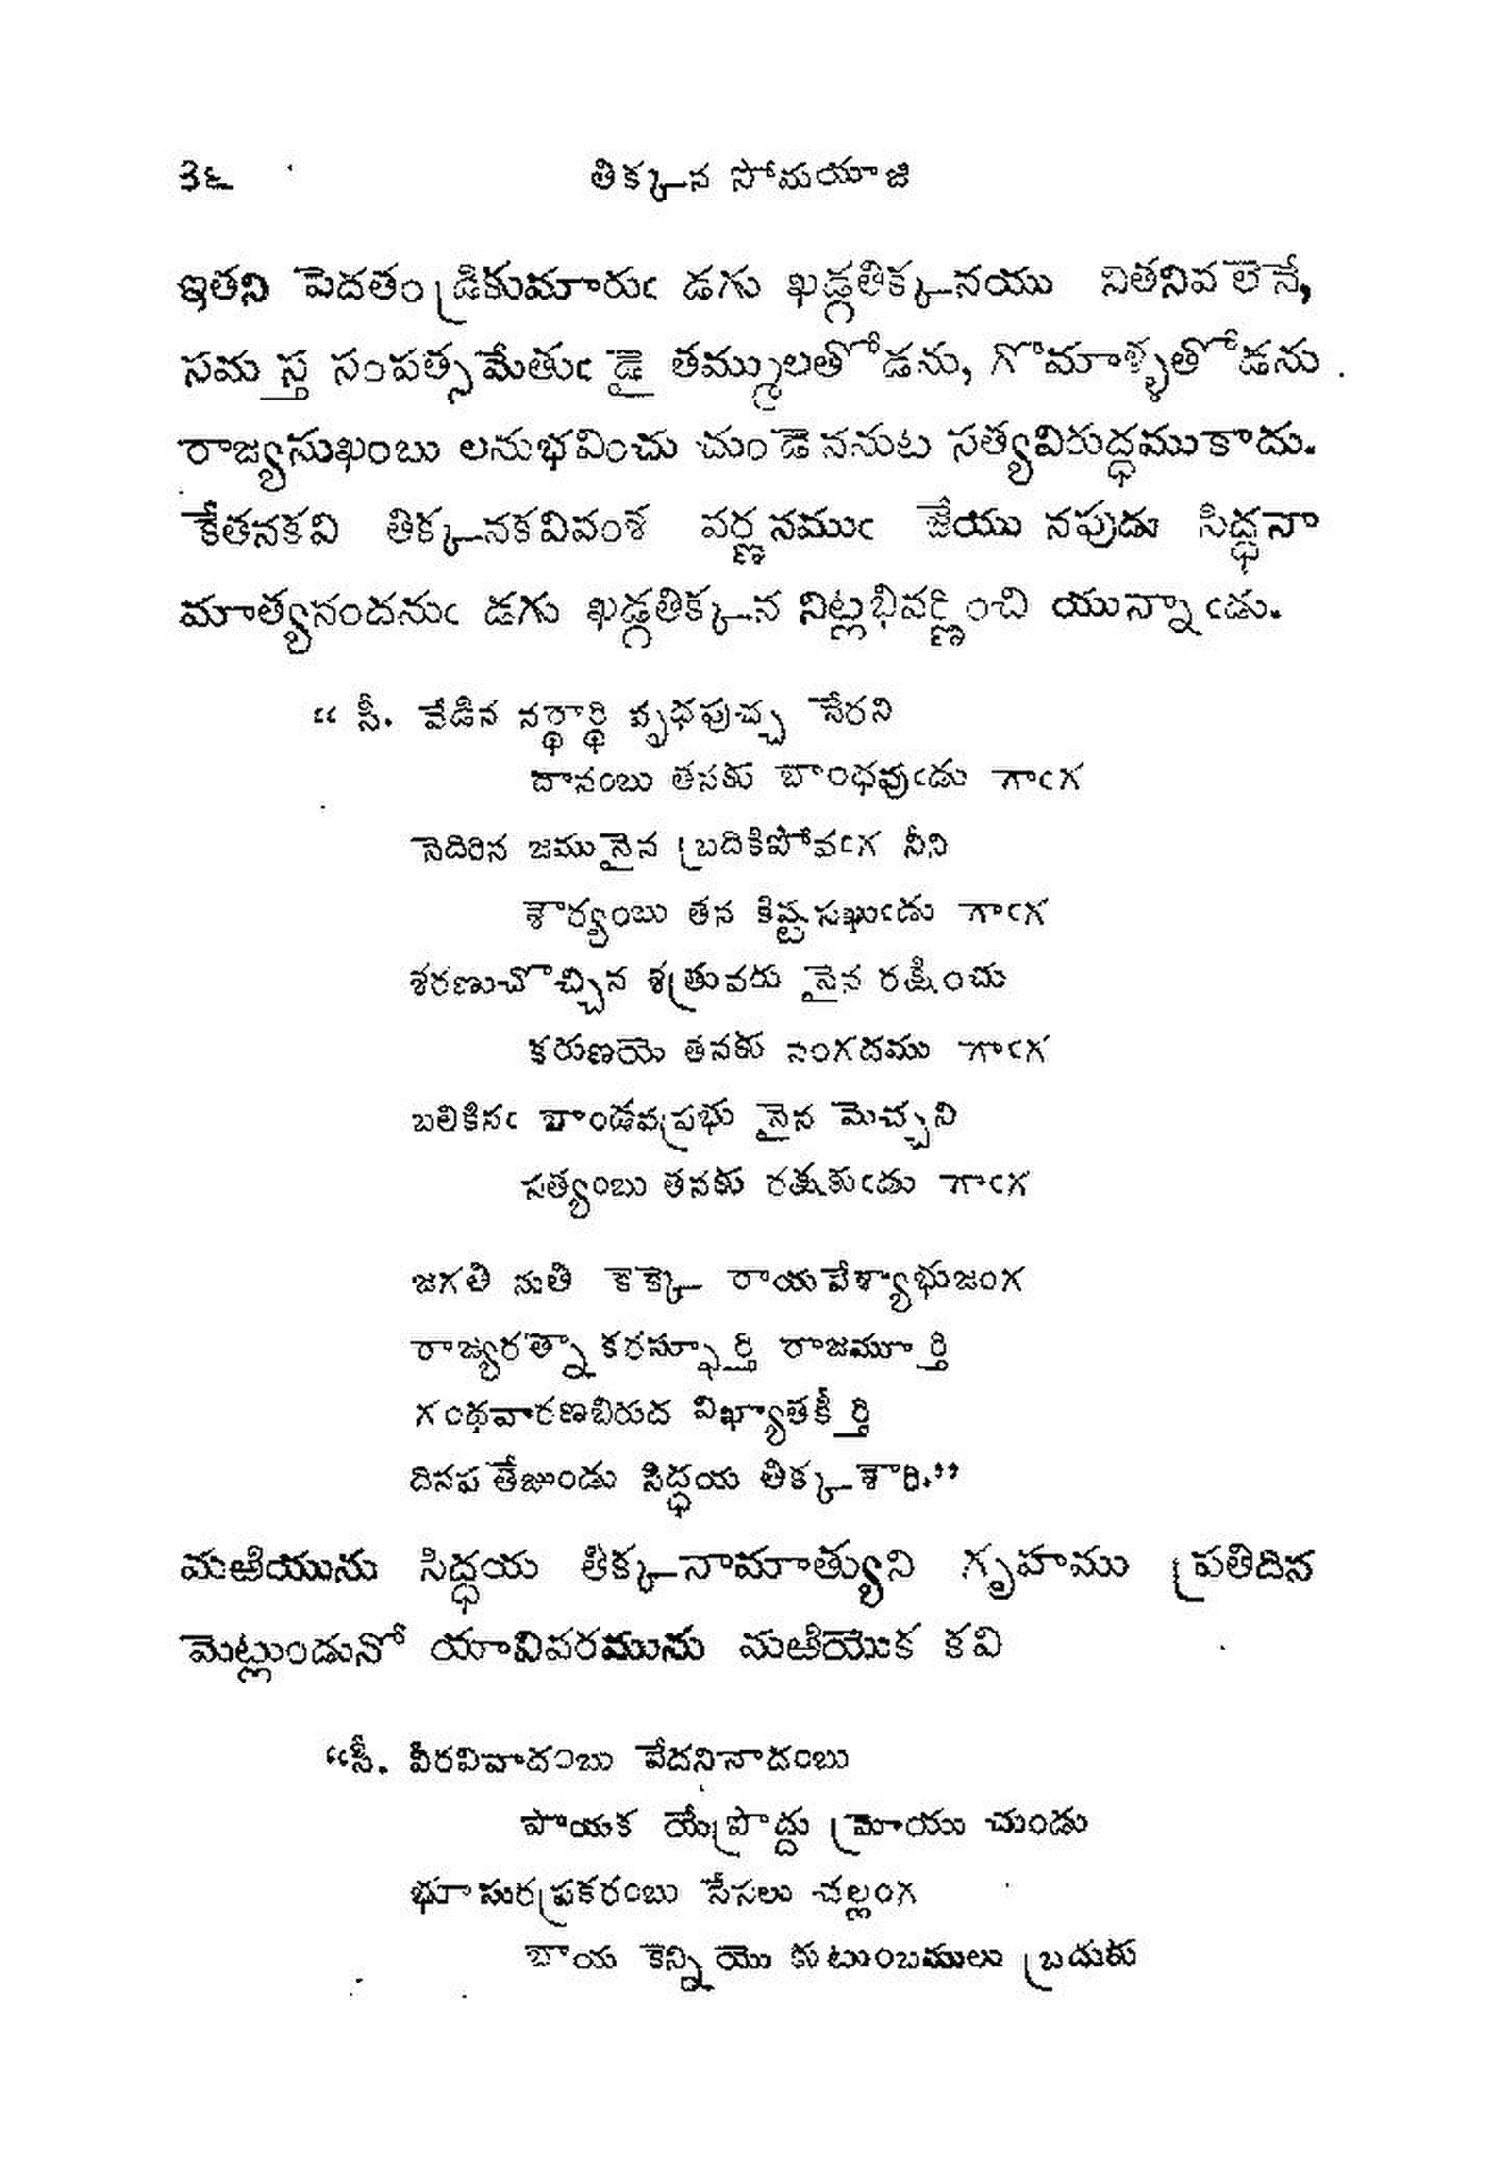ఇతని పెదతండ్రికుమారుఁ డగు ఖడ్గతిక్కనయు నితనివలెనే, సమస్త సంపత్సమేతుఁడై తమ్ములతోడను, గొమాళ్ళతోడను రాజ్యసుఖంబు లనుభవించు చుండెననుట సత్యవిరుద్ధము కాదు. కేతనకవి తిక్కనకవివంశ వర్ణనముఁ జేయు నపుడు సిద్ధనా మాత్యనందనుఁ డగు ఖడ్గతిక్కన నిట్లభివర్ణించి యున్నాఁడు. 

"సీ. వేడిన నర్థార్థి వృథపుచ్చ నేరని
 దానంబు తనకు బాంధవుఁడు గాఁగ 
 నెదిరిన జమునైన బ్రదికిపోవఁగ నీని
 శౌర్యంబు తన కిష్టసఖుఁడు గాఁగ 
 శరణుచొచ్చిన శత్రువరు నైన రక్షించు
 కరుణయె తనకు నంగదము గాఁగ 
 బలికినఁ బాండవప్రభు నైన మెచ్చని
 సత్యంబు తనకు రక్షకుఁడు గాఁగ 

 జగతి నుతి కెక్కె రాయవేశ్యాభుజంగ 
 రాజ్యరత్నాకరస్ఫూర్తి రాజమూర్తి 
 గంథవారణబిరుద విఖ్యాతకీర్తి
 దినపతేజుండు సిద్ధయ తిక్క శౌరి." 
మఱియును సిద్ధయ తిక్కనామాత్యుని గృహము ప్రతిదిన మెట్లుండునో యావివరమును మఱియొక కవి 

"సీ. వీరవివాదంబు వేదనినాదంబు
 పాయక యేప్రొద్దు మ్రోయు చుండు 
 భూసురప్రకరంబు సేసలు చల్లంగ
 బాయ కెన్నియొ కుటుంబములు బ్రదుకు